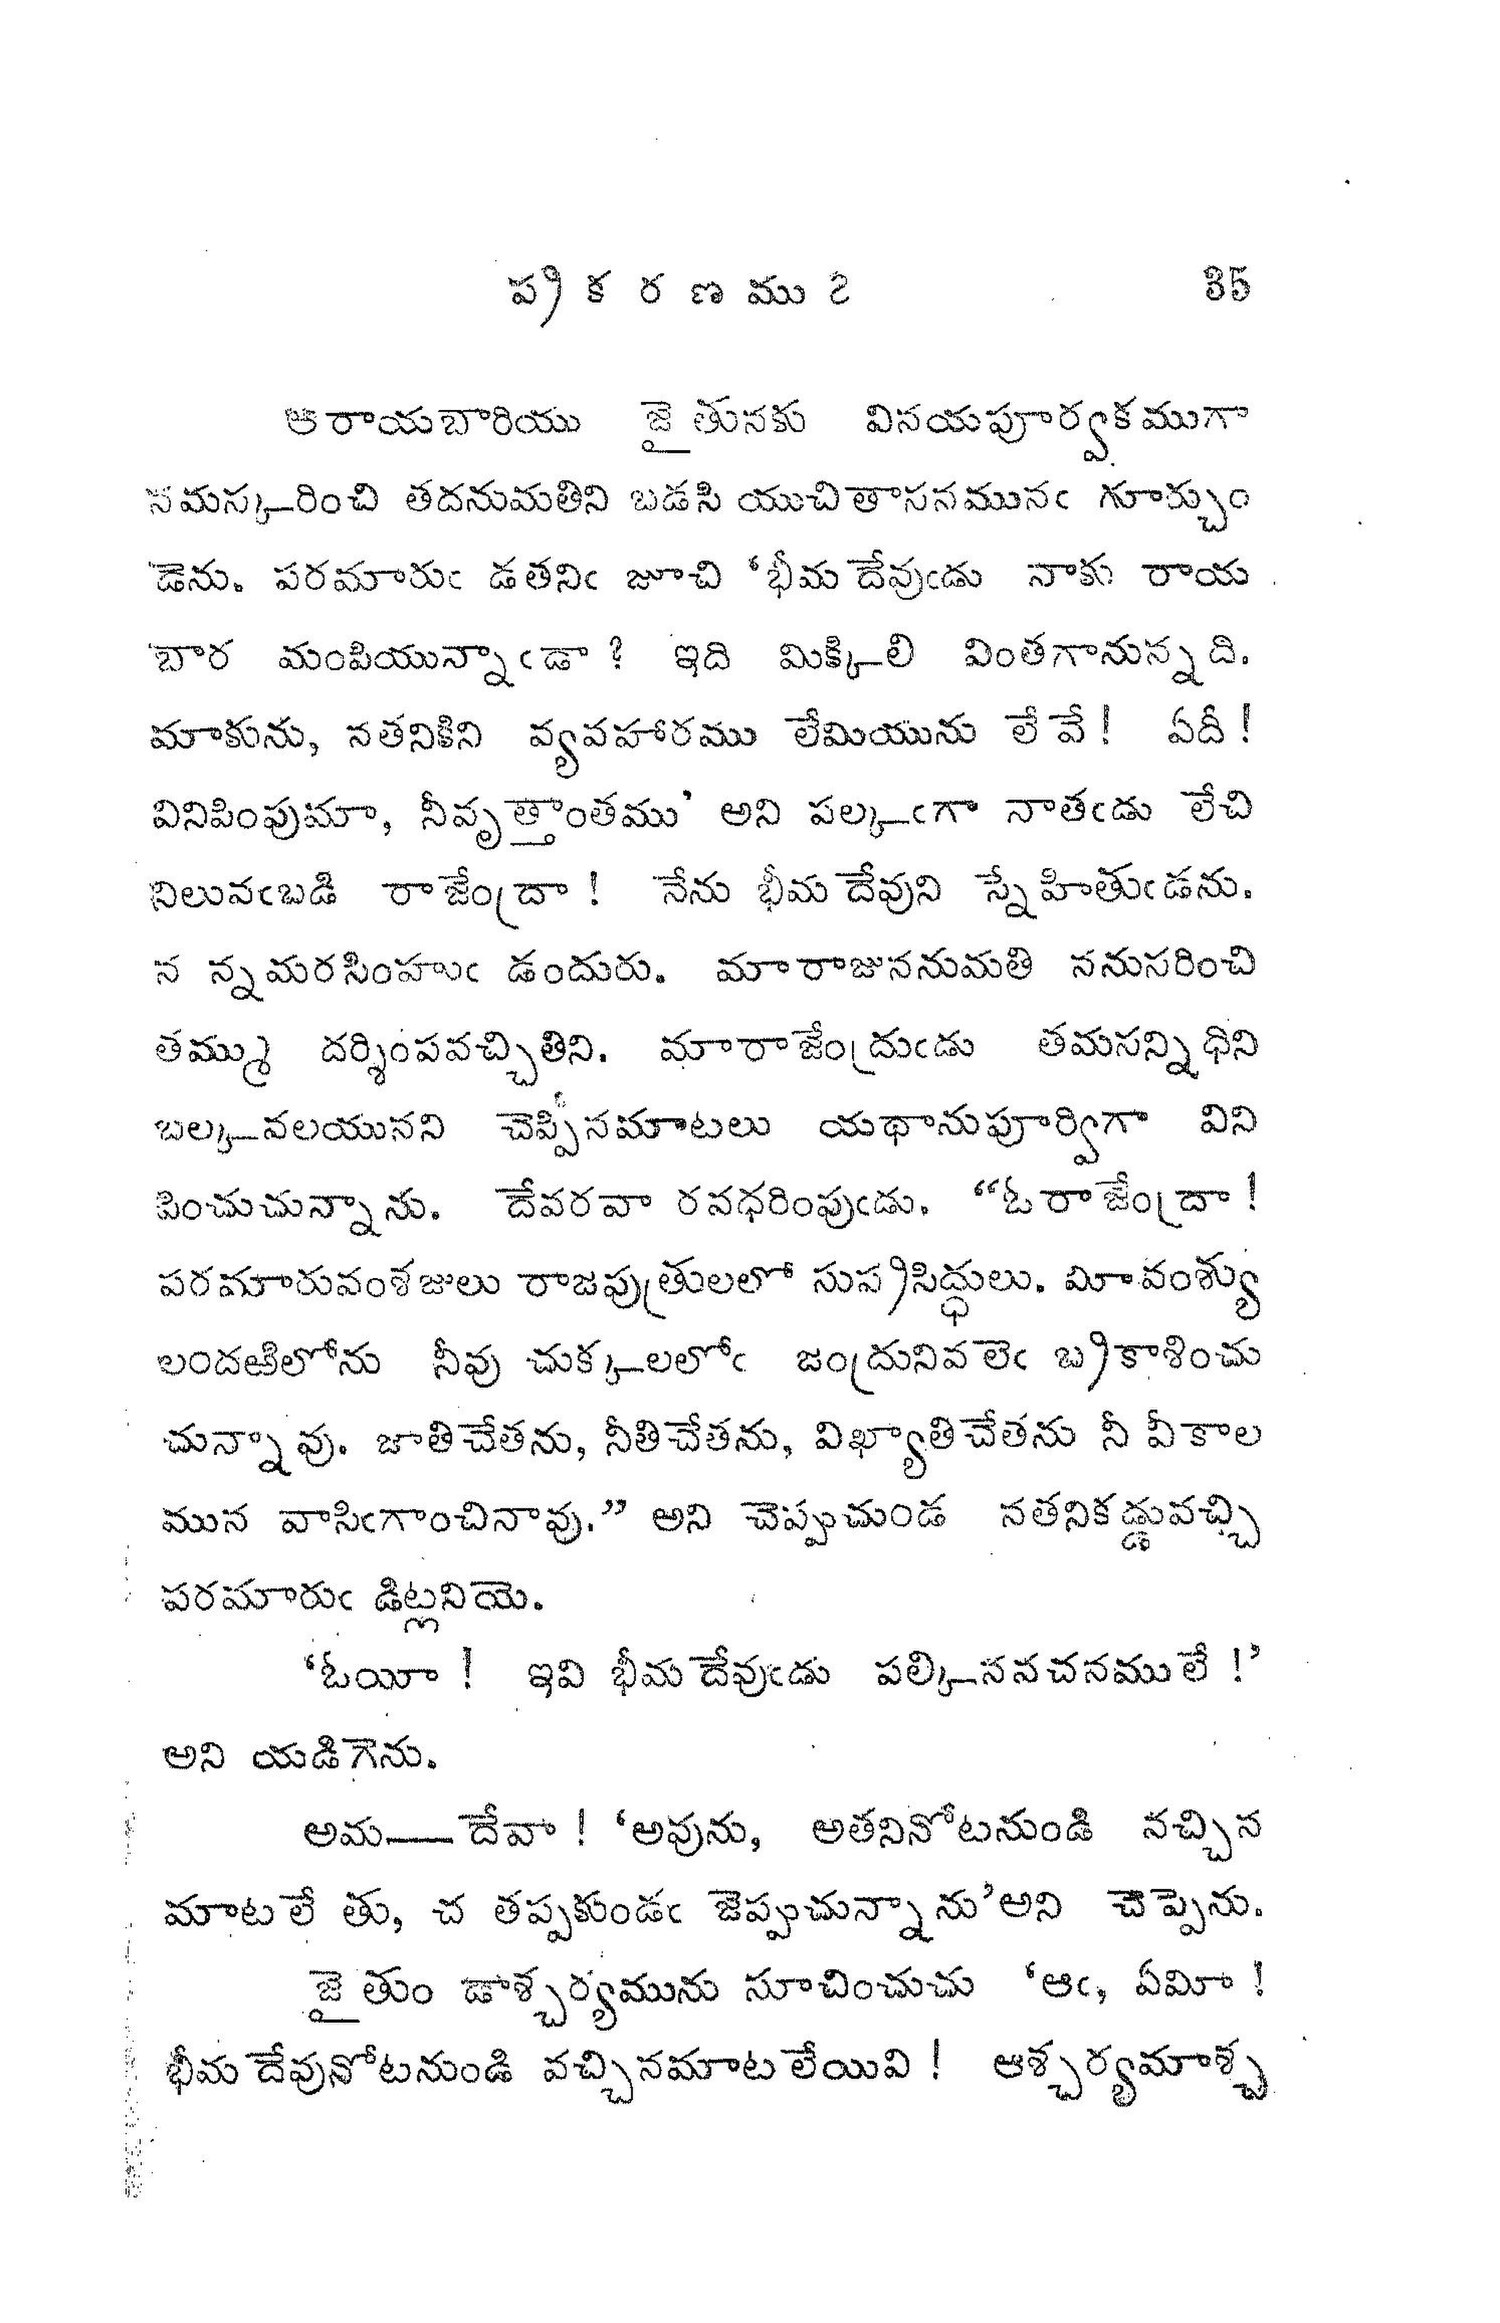ఆ రాయబారియు జైతునకు వినయపూర్వకముగా
సమస్కరించి తదనుమతిని బడసి యుచితాసనమునఁ గూర్చుం
డెను. పరమారుఁ డతనిఁ జూచి 'భీమ దేవుఁడు నాకు రాయ
బార మంపియున్నాఁడా ? ఇది మిక్కిలి వింతగా నున్నది.
మాకును, నతనికిని వ్యవహారము లేమియును లేవే! ఏదీ !
వినిపింపుమా, నీవృత్తాంతము' అని పల్కఁగా నాతఁడు లేచి
నిలువఁబడి రాజేంద్రా ! నేను భీమ దేవుని స్నేహితుఁడను,
న న్నమర సింహుఁడందురు. మారాజుననుమతి ననుసరించి
తమ్ము దర్శింపనచ్చితిని. మారాజేంద్రుఁడు తమసన్నిధిని
బల్కవలయునని చెప్పిన మాటలు యథాను పూర్విగా
పించుచున్నాను. దేవరవారవధరింపుఁడు, “ఓరాజేంద్రా !
పరమారునంశజులు రాజపుత్రులలో సుప్రసిద్ధులు. మీ వంశ్యు
లందతిలోను నీవు చుక్కలలో జంద్రునివలెఁ బకాశించు
చున్నావు. జాతి చేతను, నీతి చేతను, విఖ్యాతి చేతను నీ వీ కాల
మున వాసిగాంచినావు.” అని చెప్పుచుండ నతని కడ్డువచ్చి
పరమారుఁ డిట్లనియె.

'ఓయీ ! ఇవి భీమదేవుఁడు పల్కిననచనము లే !'
యడిగెను.

అమ: దేవా ! 'అవును, అతనినోటనుండి నచ్చిన
మాటలే తు, చ తప్పకుండఁ జెప్పుచున్నాను' అని చెప్పెను.

జైతుండాశ్చర్యమును సూచించుచు 'ఆఁ, ఏమి !
భీమ దేవునోటనుండి వచ్చినమాట లేయివి ! ఆశ్చర్యమాశ్చ